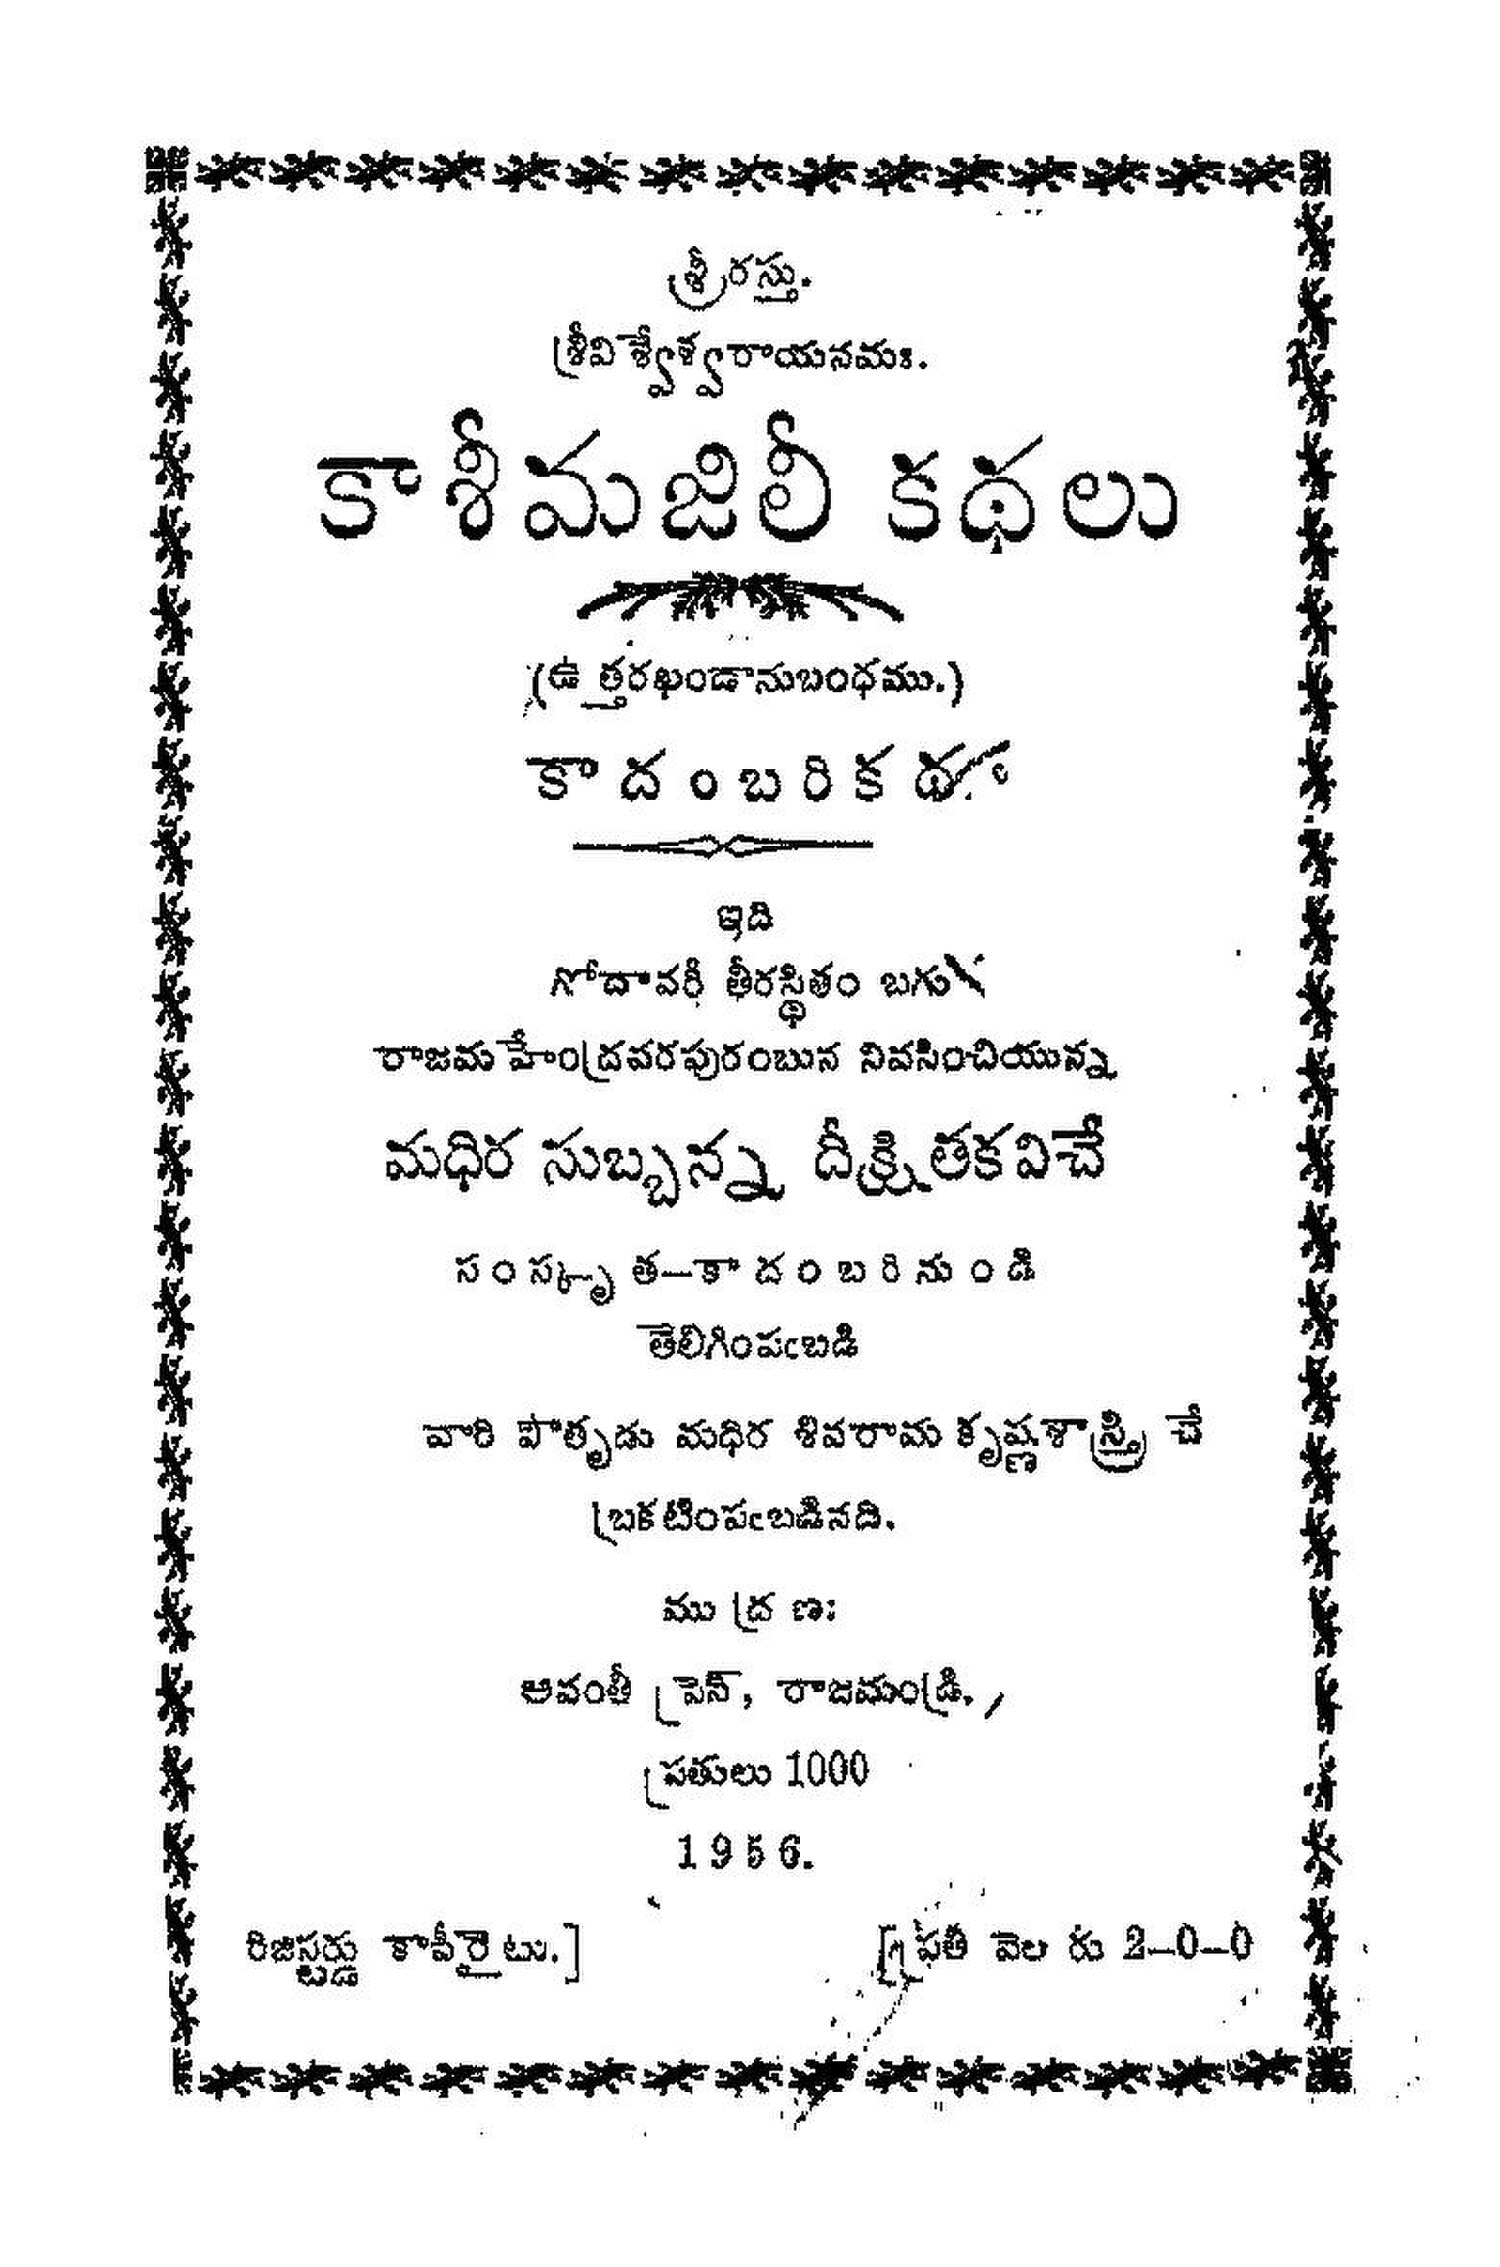శ్రీరస్తు.
శ్రీవిశ్వేశ్వరాయనమః
కాశీమజిలీ కథలు
(ఉత్తరఖండానుబంధము)
కాదంబరికథ

ఇది
గోదావరీ తీరస్థితం బగు
రాజమహేంద్రవరపురంబున నివసించియున్న
మధిర సుబ్బన్న దీక్షితకవిచే
సంస్కృత - కాదంబరినుండి
తెలిగింపఁబడి
వారి పౌతృడు మధిర శివరామకృష్ణశాస్త్రి చే
బ్రకటింపఁబడినది

ముద్రణః
అవంతీ ప్రెస్, రాజమండ్రి.
ప్రతులు 1000
1956